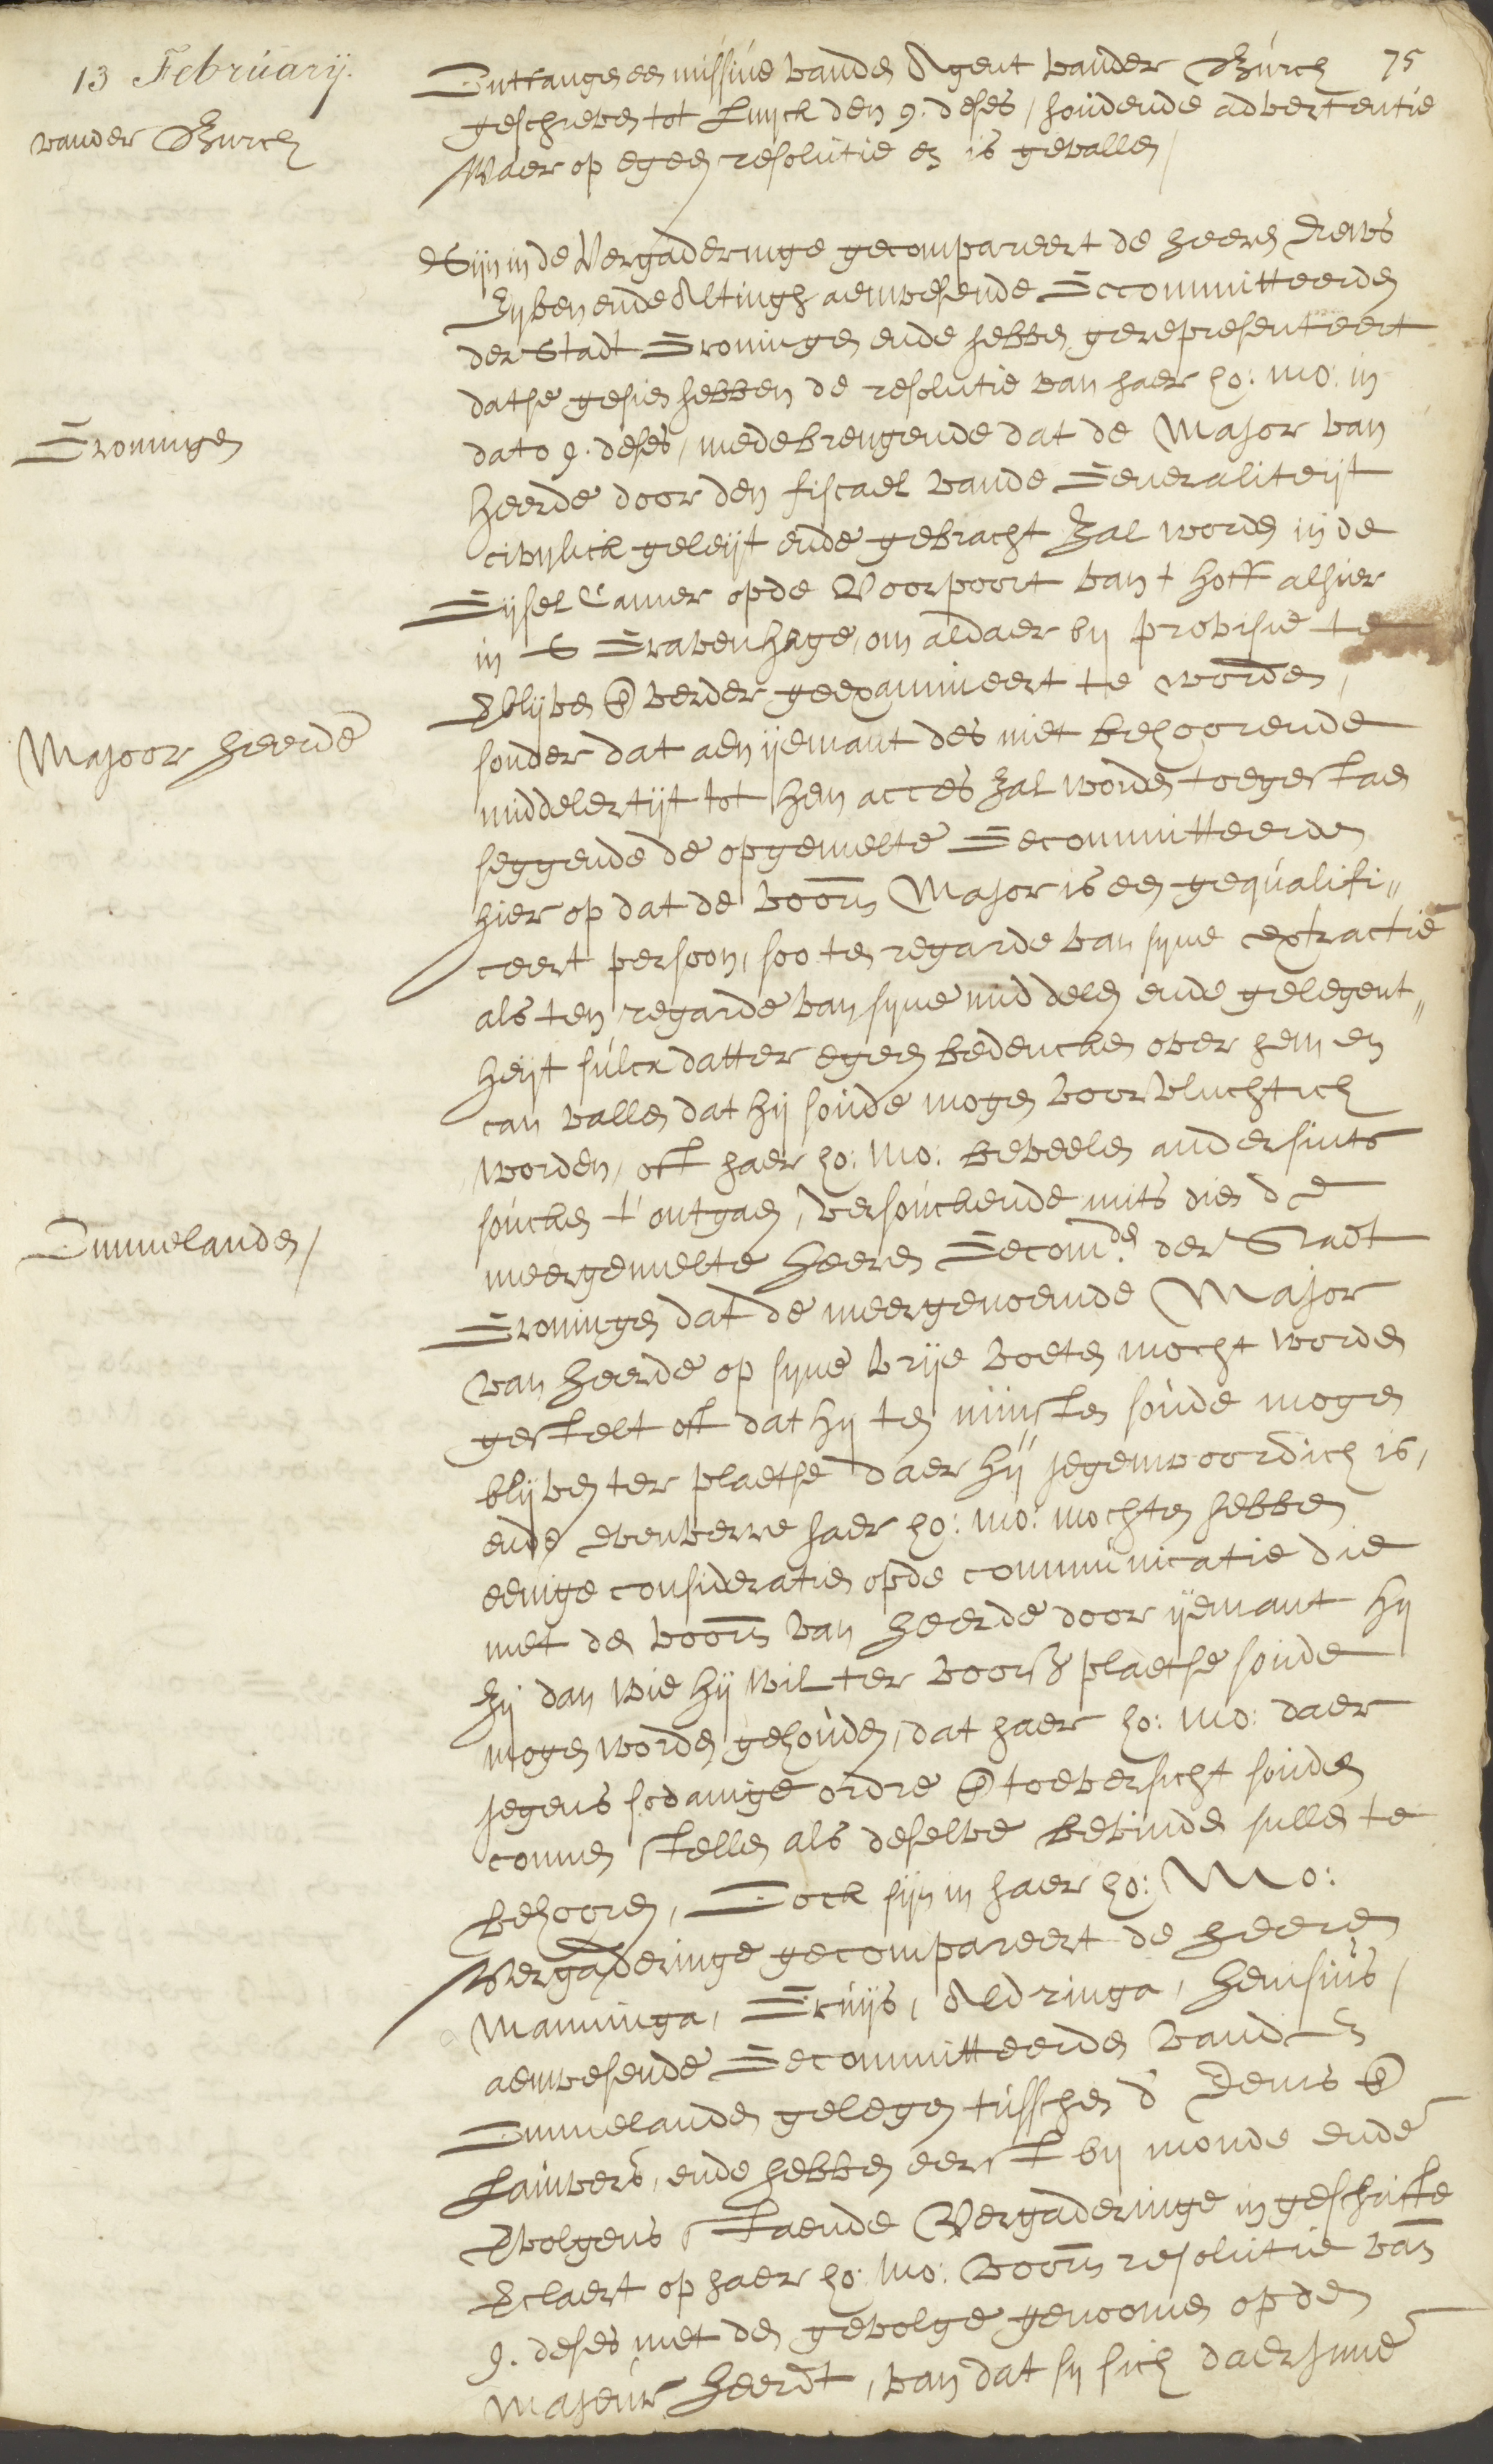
75
13 Februari
vander Burch
Ontfangen een missiue vanden Agent vander Burch
geschreven tot Luyck den 9. deses, houdende advertentie
Waer op egeen resolutie en is gevallen.
Gronningen
Majoor heerde
Ommelanden.
Sijn in de Vergaderinge gecompareert de heeren Drews
Eyben ende Altingh aenwesende Gccommitteerden
der stadt Groningen ende hebben gerepresenteert
datse gesien hebben de resolutie van haer ho:mo: in
dato 9. deses, medebrengende dat de Major van
heerde door den fiscael vande Generaliteijt
cvylick geleijt ende gebracht zal worden in de
Gijsel Camer opde Voorpoort van t hoff alhier
in s Gravenhage, om aldaer by provisie te
vblijven & verder geexamineert te worden
sonder dat aen yemant des niet behoorende
middelertijt tot hem acces zal worden toegestaen
seggende de opgemelte Gecommitteerden
hier op dat de voorn Major is een gequalifi„
ceert persoon, soo ten regarde van syne extractie
als ten regarde van syne middelen ende gelegent,,
heijt sulcx datter egeen bedencken over hem en
can vallen dat hij soude mogen voorvluchtich
worden, off haer ho:Mo: beveelen andersints
soucken t'ontgaen, versouckende mits dien de
meergemelte heeren Gecomden. der Stadt
Groningen dat de meergenoemde Major
van heerde op syne vrije voeten mocht worden
gestelt off dat hy ten minsten soude mogen
blijven ter plaetse daer hij jegenwoordich is
ende evenverre haer ho:mo: mochten hebben
eenige consideratien opde communicatie die
met den voorn van heerde door ijemant hy
zij dan wie hij wil ter voors plaetse soude
mogen worden gehouden, dat haer ho:Mo: daer
jegens sodanige ordre & toeversicht souden
connen stellen als deselve bevinden sullen te
behooren. Oock sijn in haer ho:Mo:
Vergaderinge gecompareert de heere
Manninga, Gruijs, Aldringa, Henisius,
aenwesende Gecommitteerden vanden
Ommelanden gelegen tusschen d' Eems &
Lauwers, ende hebben eerst by monde ende
vvolgens staende Vergaderinge in geschrifte
vclaert op haer ho:Mo: voorn resolutie van
9. deses met den gevolge genoomen op den
Majeur heerdt, van dat sy sich daerinne
